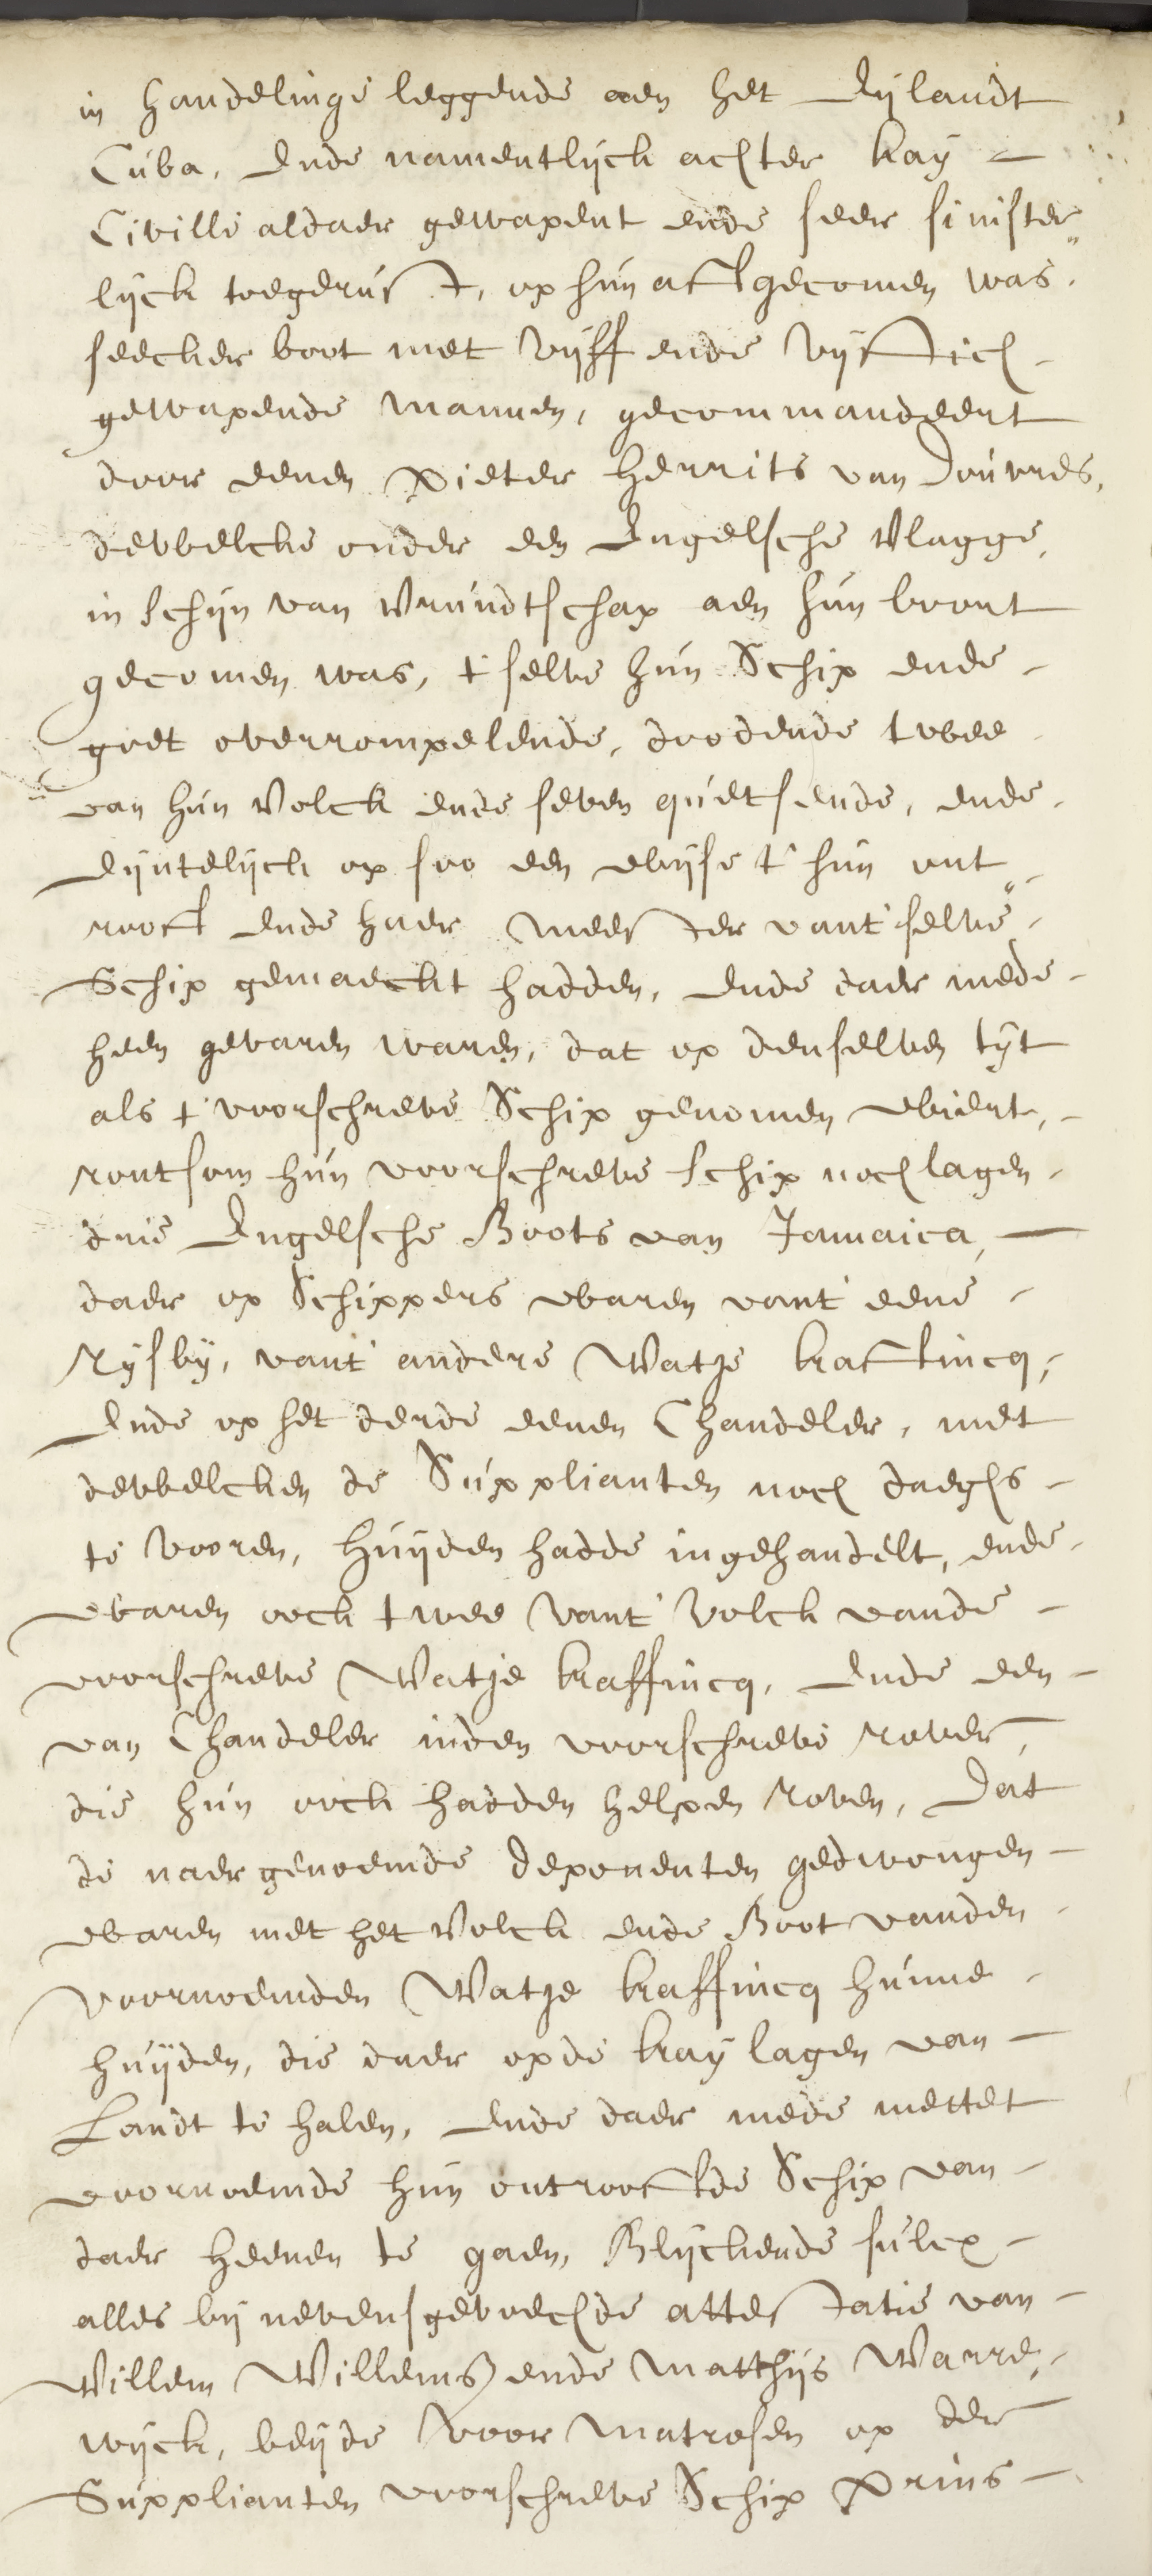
in handelinge leggende aen het Eijlandt
Cuba, ende namentlijck achter kaij —
Civille aldaer gewapent ende seer sinister„
lijck toegerust, op hun affgecomen was,
seecker boot met vijff ende vijftich
gewapende mannen, gecommandeert
door eenen Pieter herrits van Douvres,
dewelcke onder een Engelsche Vlagge,
in schijn van Vrundtschap aen hun boort
gecomen was, t'selve hun Schip ende
goet overrompelende, doodende twee
van hun Volck ende seven quetsende, ende
eijntelijck op soo een wijse t' hun ont„
rooft ende haer meester vant' selve
Schip gemaeckt hadden, ende daer mede
heen gevaren waren; dat op denselven tijt
als t'voorschreve Schip genomen wiert,
rontsom hun voorschreve schip noch lagen,
drie Engelsche Boots van Jamaica,
daer op Schippers waren vant‛ eene
Rijsbij, vant andere Watje Kaffincq;
ende op het derde eenen Chandeler, met
dewelcken de Supplianten noch daeghs
te vooren, huijden hadde ingehandelt, ende
waren oock twee vant‛ Volck vande
voorschreve Watje Kaffincq, ende een
van Chandeler inden voorschreve rover,
die hun oock hadden helpen roven. Dat
die naer genoemde deponenten gedwongen
waren met het Volck ende Boot vanden
voornoemden Watje Kaffincq hunne
huijden, die daer opde kaij lagen van
Landt te halen, ende daer mede mettet
voornoemde hun ontrooffde Schip van —
daer heenen te gaen. Blijckende sulcx
alles bij nevensgevoechde attestatie van
Willem Willems ende Matthijs Warre„
wijck, beijde voor matrosen op der
Supplianten voorschreve Schip Prins —
